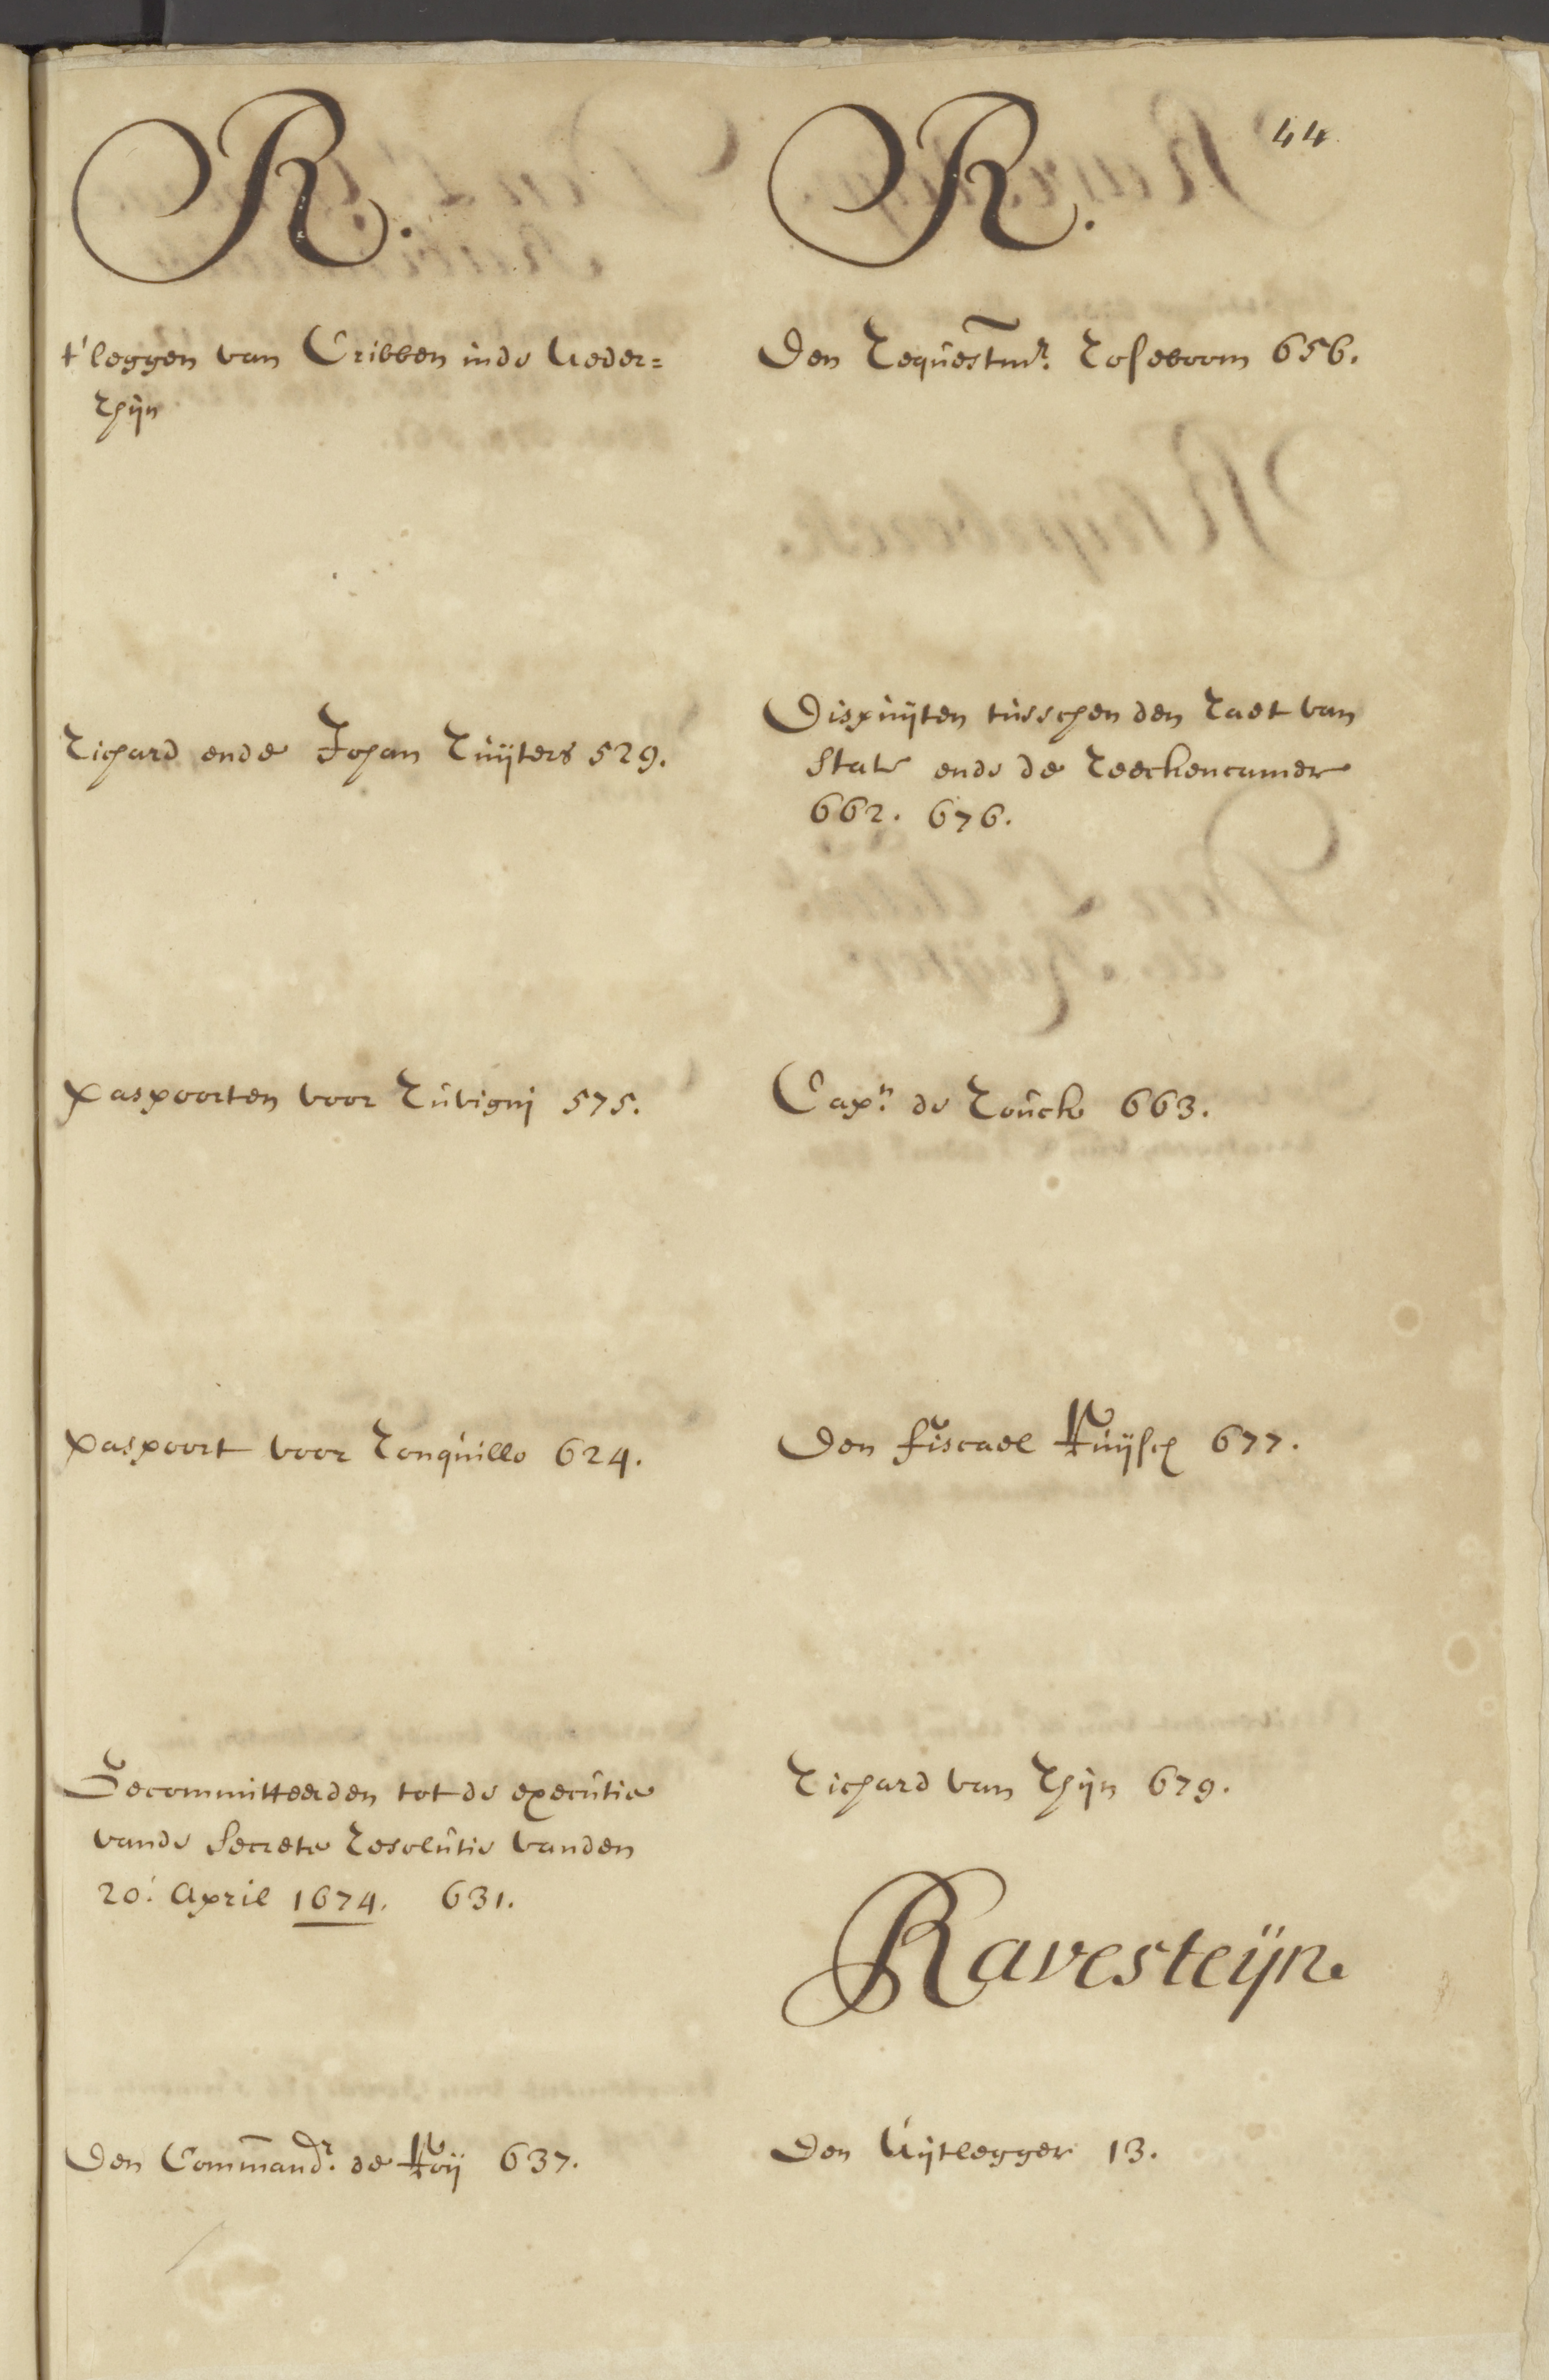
44.
R.
t'leggen van Cribben inde Neder=
rhijn
Richard ende Johan Ruijters 529.
Paspoorten voor Ruvigni 575.
Paspoort voor Ronquillo 624.
Gecommitteerden tot de executie
vande Secrete Resolutie vanden
20: April 1674. 631.
Den Commandr. de Roij 637.
R.
Den Requestmr. Roseboom 656.
Dispuijten tusschen den Raet van
State ende de Reeckencamer
662. 676.
Capn. de Rouck, 663.
Den Fiscael Ruijsch 677.
Richard van Rhijn 679.
Ravesteijn
Den Uijtlegger 13.
